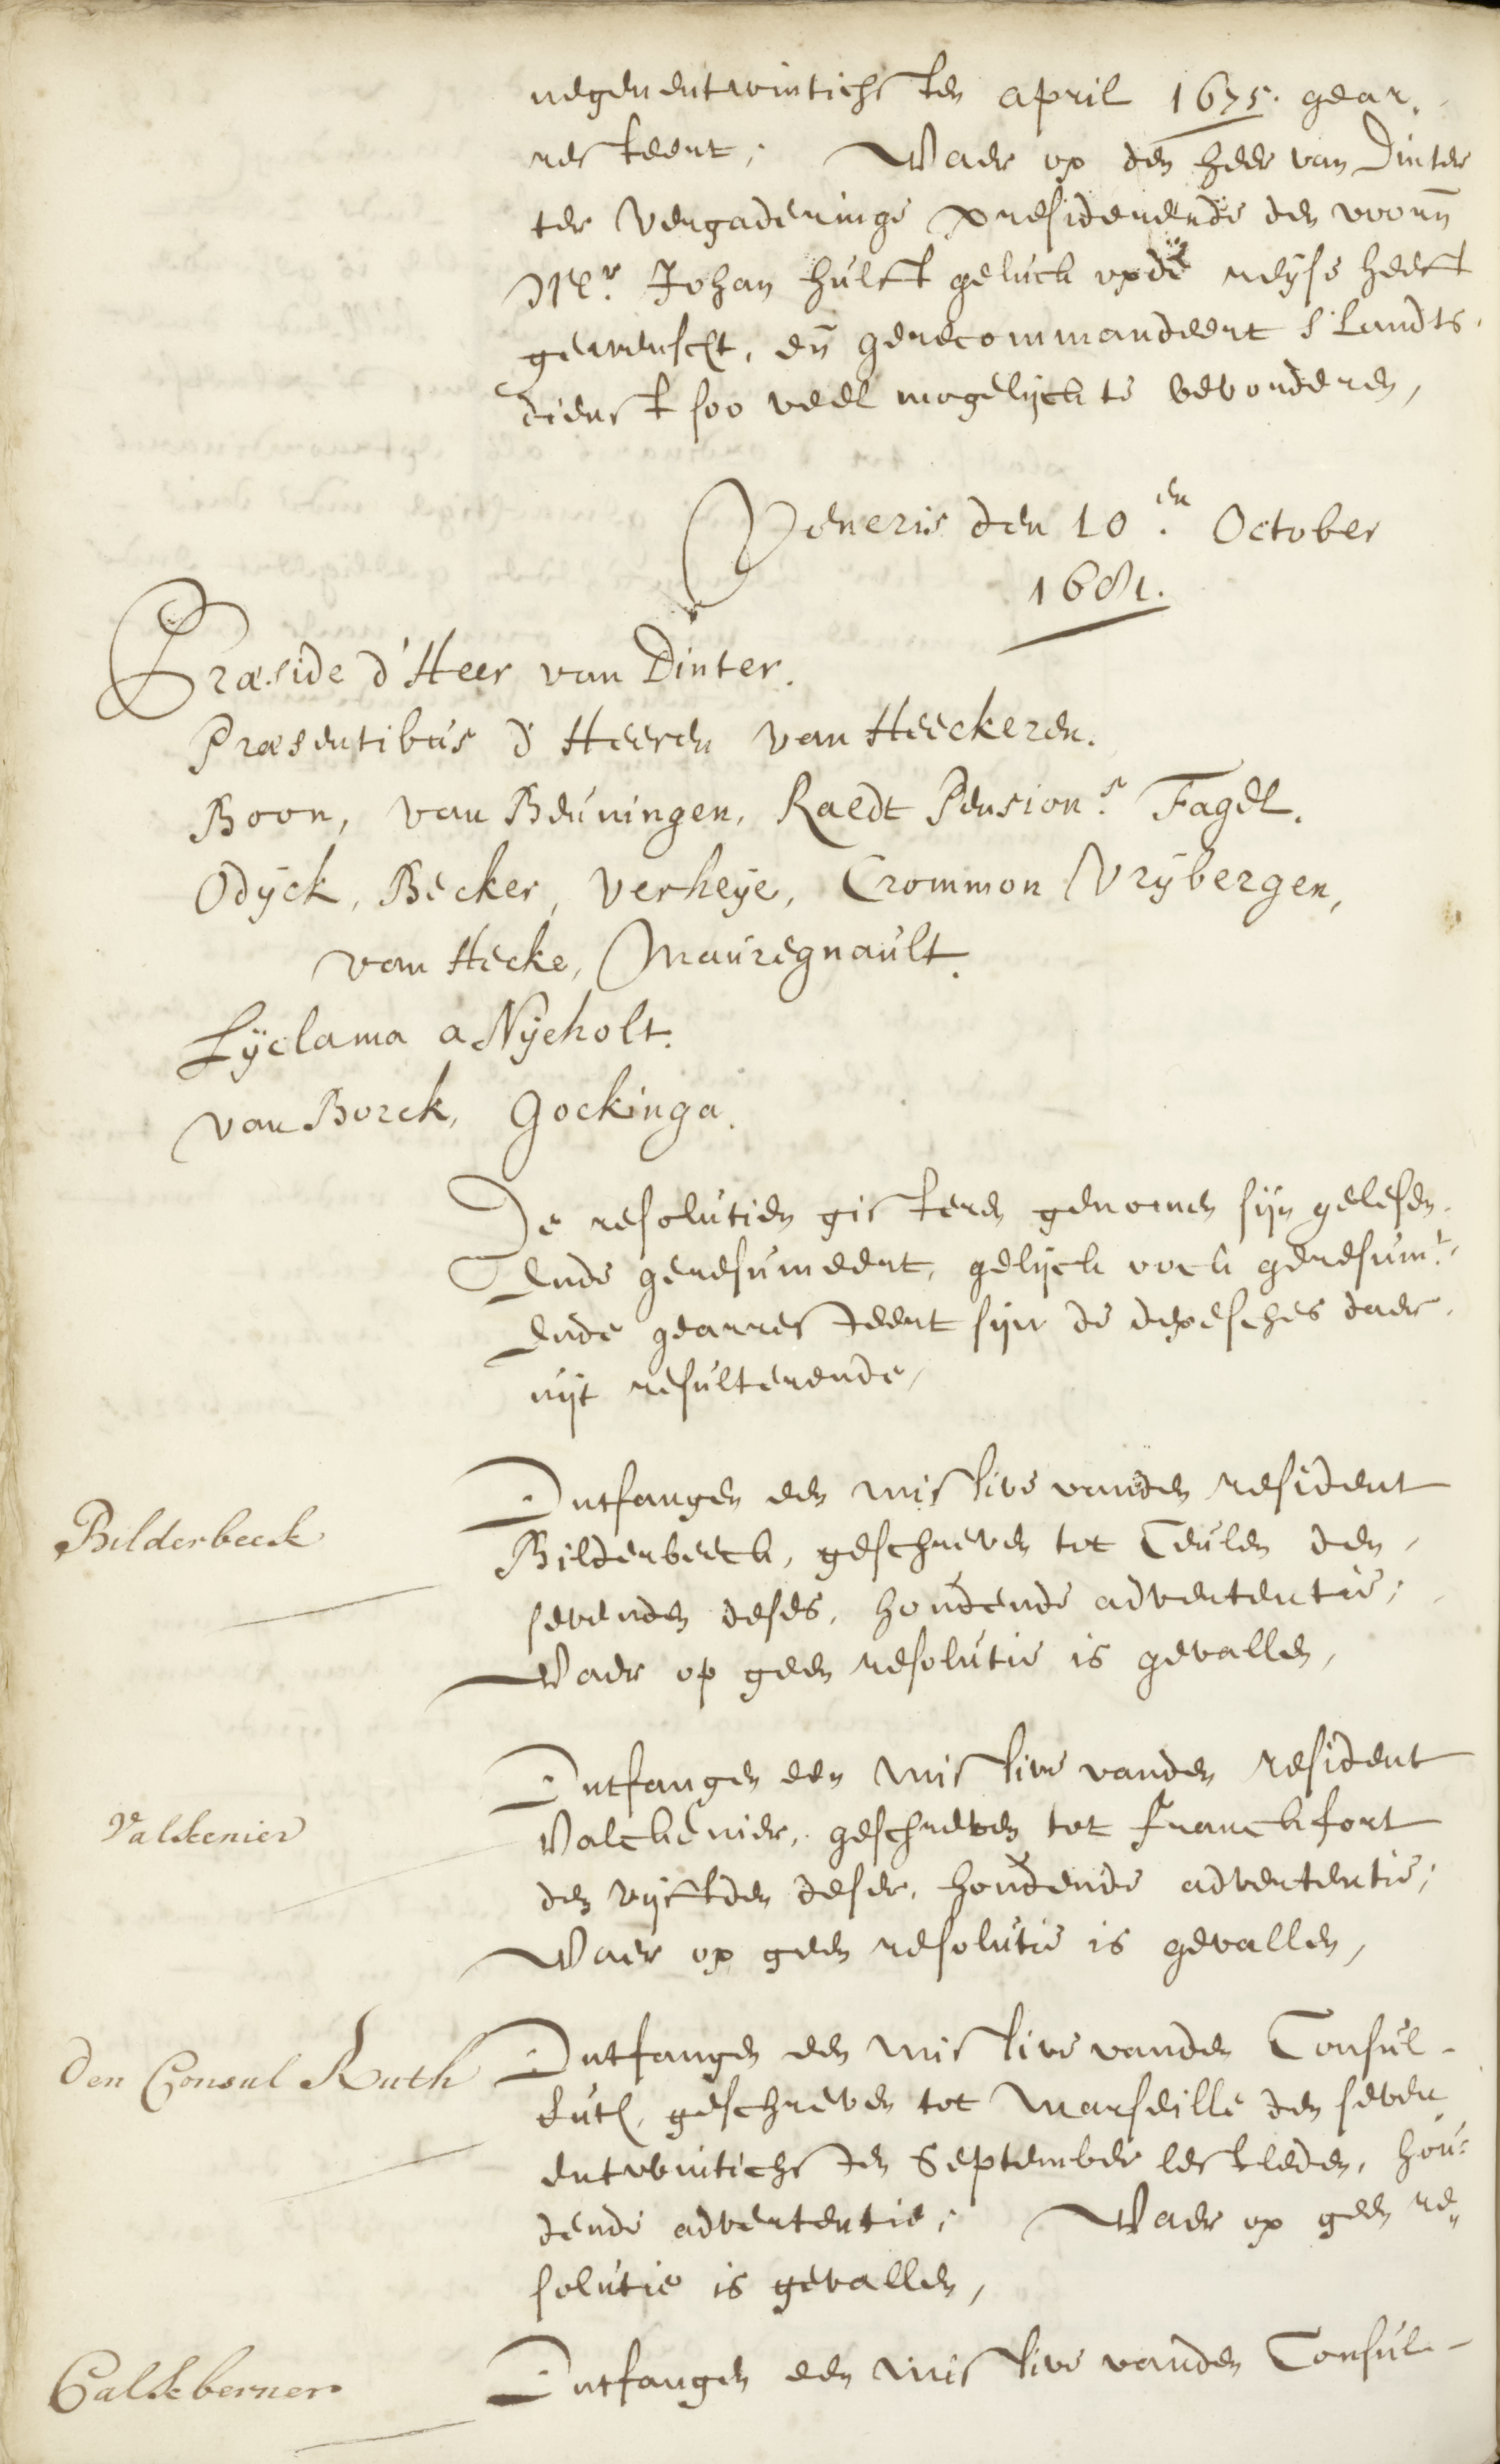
negenentwintichsten april 1675. gear,
resteert; Waer op den heer van Dinter
ter vergaderinge presiderende den voorn
Mr. Johan hulst geluck opde reijse heeft
gewenscht, en gerecommandeert s'Landts
dienst soo veel mogelijck te bevorderen.
Veneris den 10en. October
1681.
Pra'side d'Heer van Dinter.
Præsentibus d'Heeren van Heeckeren.
Boon, van Beuningen, Raedt Pensions. Fagel.
Odijck, Becker, Verheije, Crommon Vrijbergen,
van Hecke, Mauregnault.
Lijclama a Nijeholt.
van Borck, Gockinga.
De resolutien gisteren genomen sijn gelesen
Ende geresumeert, gelijck oock geresumt.
Ende gearresteert sijn de depesches daer
uijt resulterende.
Bilderbeek
Ontfangen een missive vanden resident
Bilderbeeck, geschreven tot Ceulen den
sevenden deses, houdende advertentie;
Waer op geen resolutie is gevallen.
Valkenier
Ontfangen een missive vanden resident
Valckenier, geschreven tot franckfort
den vijffden deser, houdende advertentie;
Waer op geen resolutie is gevallen.
den Consul Ruth
Ontfangen een missive vanden Consul
Ruth, geschreven tot Marseille den seven
entwintichsten September lestleden, hou=
dende advertentie: Waer op geen re,,
solutie is gevallen.
Calkberner
Ontfangen een missive vanden Consul —
